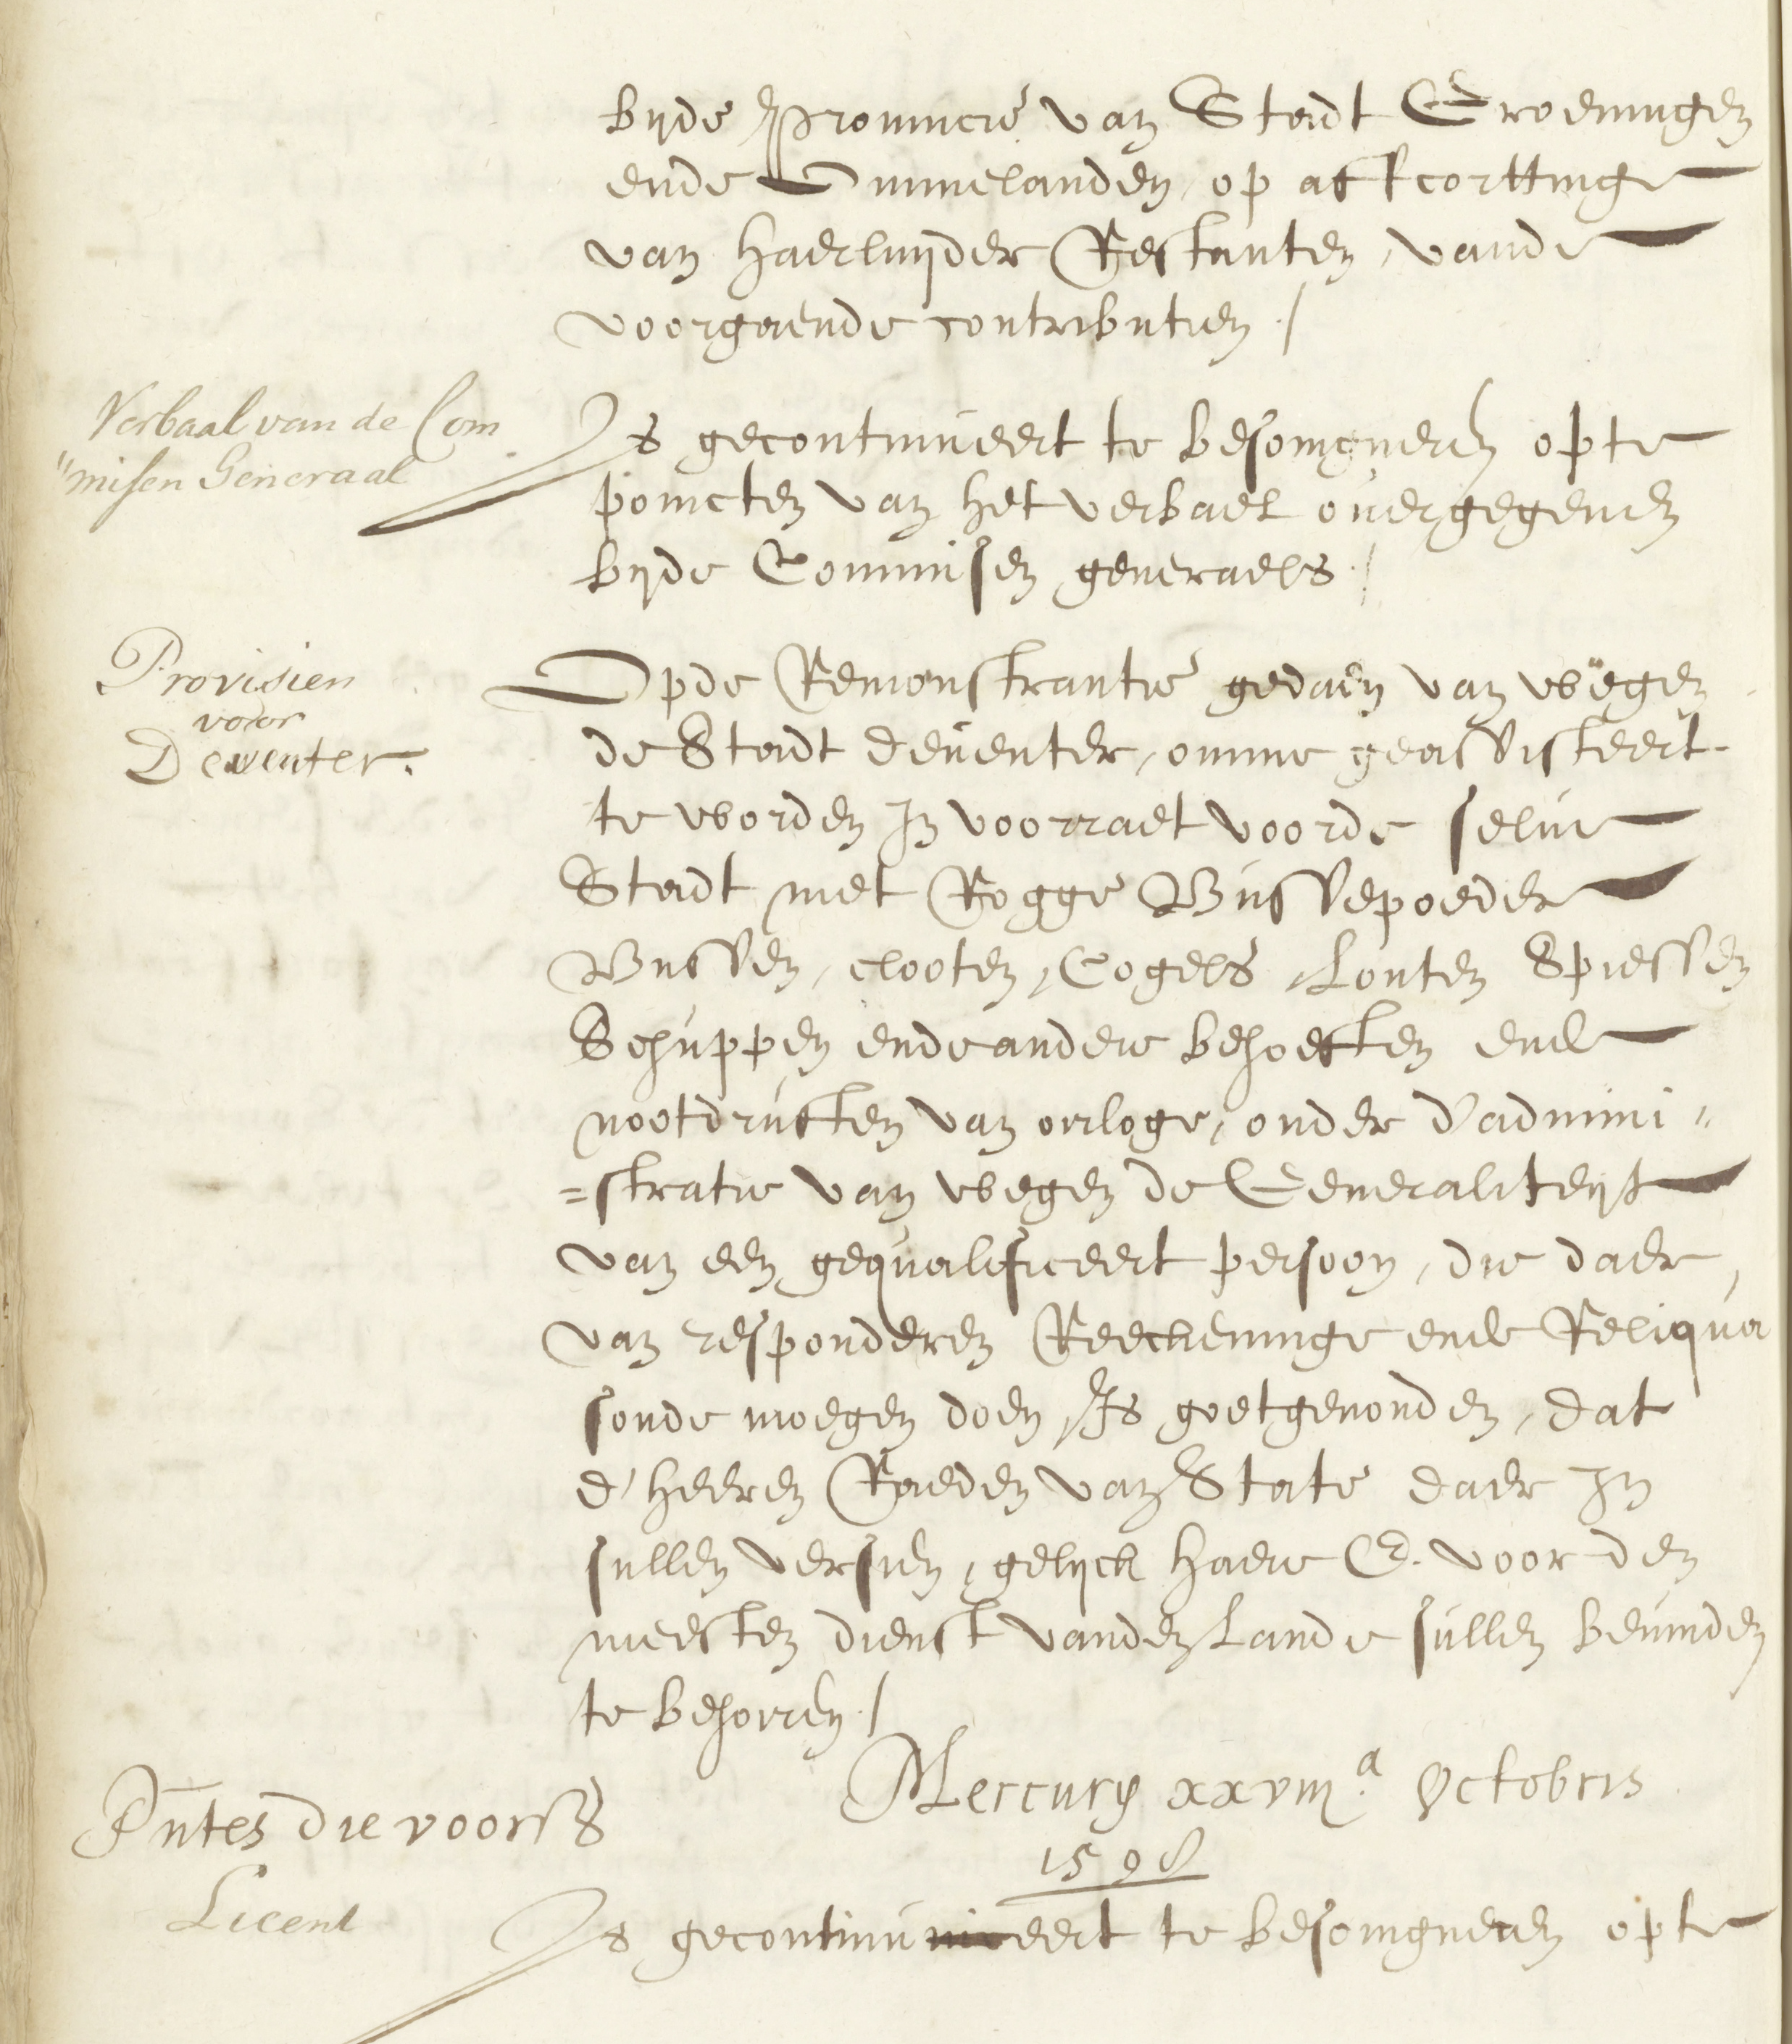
byde Prouincie van Stadt Groeningen
ende Ommelanden, op affcorttinge
van haerluyder restanten, vande
voorgaende contributien.
Verbaal van de Com
"misen Generaal
Is gecontinueert te besoingneren opte
poincten van het verbael ouergegeven
byde Commisen generaels
Provisien
voor
Deventer
Opde Remonstrantie gedaen van wegen
de Stadt Deuenter, omme geassisteert
te worden In voorraet voorde selue
Stadt met Rogge Bussepoeder
Bussen, clooten, Cogels, Lonten Spiessen
Schuppen ende ander behoeften ende
nootdruften van oirloge, onder d'admini„
=stratie van wegen de Generaliteyt
van een gequalificeert persoon, die daer
van responderen Reeckeninge ende Reliqua
soude moegen doen, Is goetgevonden, dat
d'heeren Raeden van State daer In
sullen versien, gelyck haere E. voor den
meesten dienst vanden Lande sullen beuinden
te behoiren.
Mercury xxvija Octobris
1598
Pntes die voors
Licent
Is gecontinunieert te besoingneren opte
